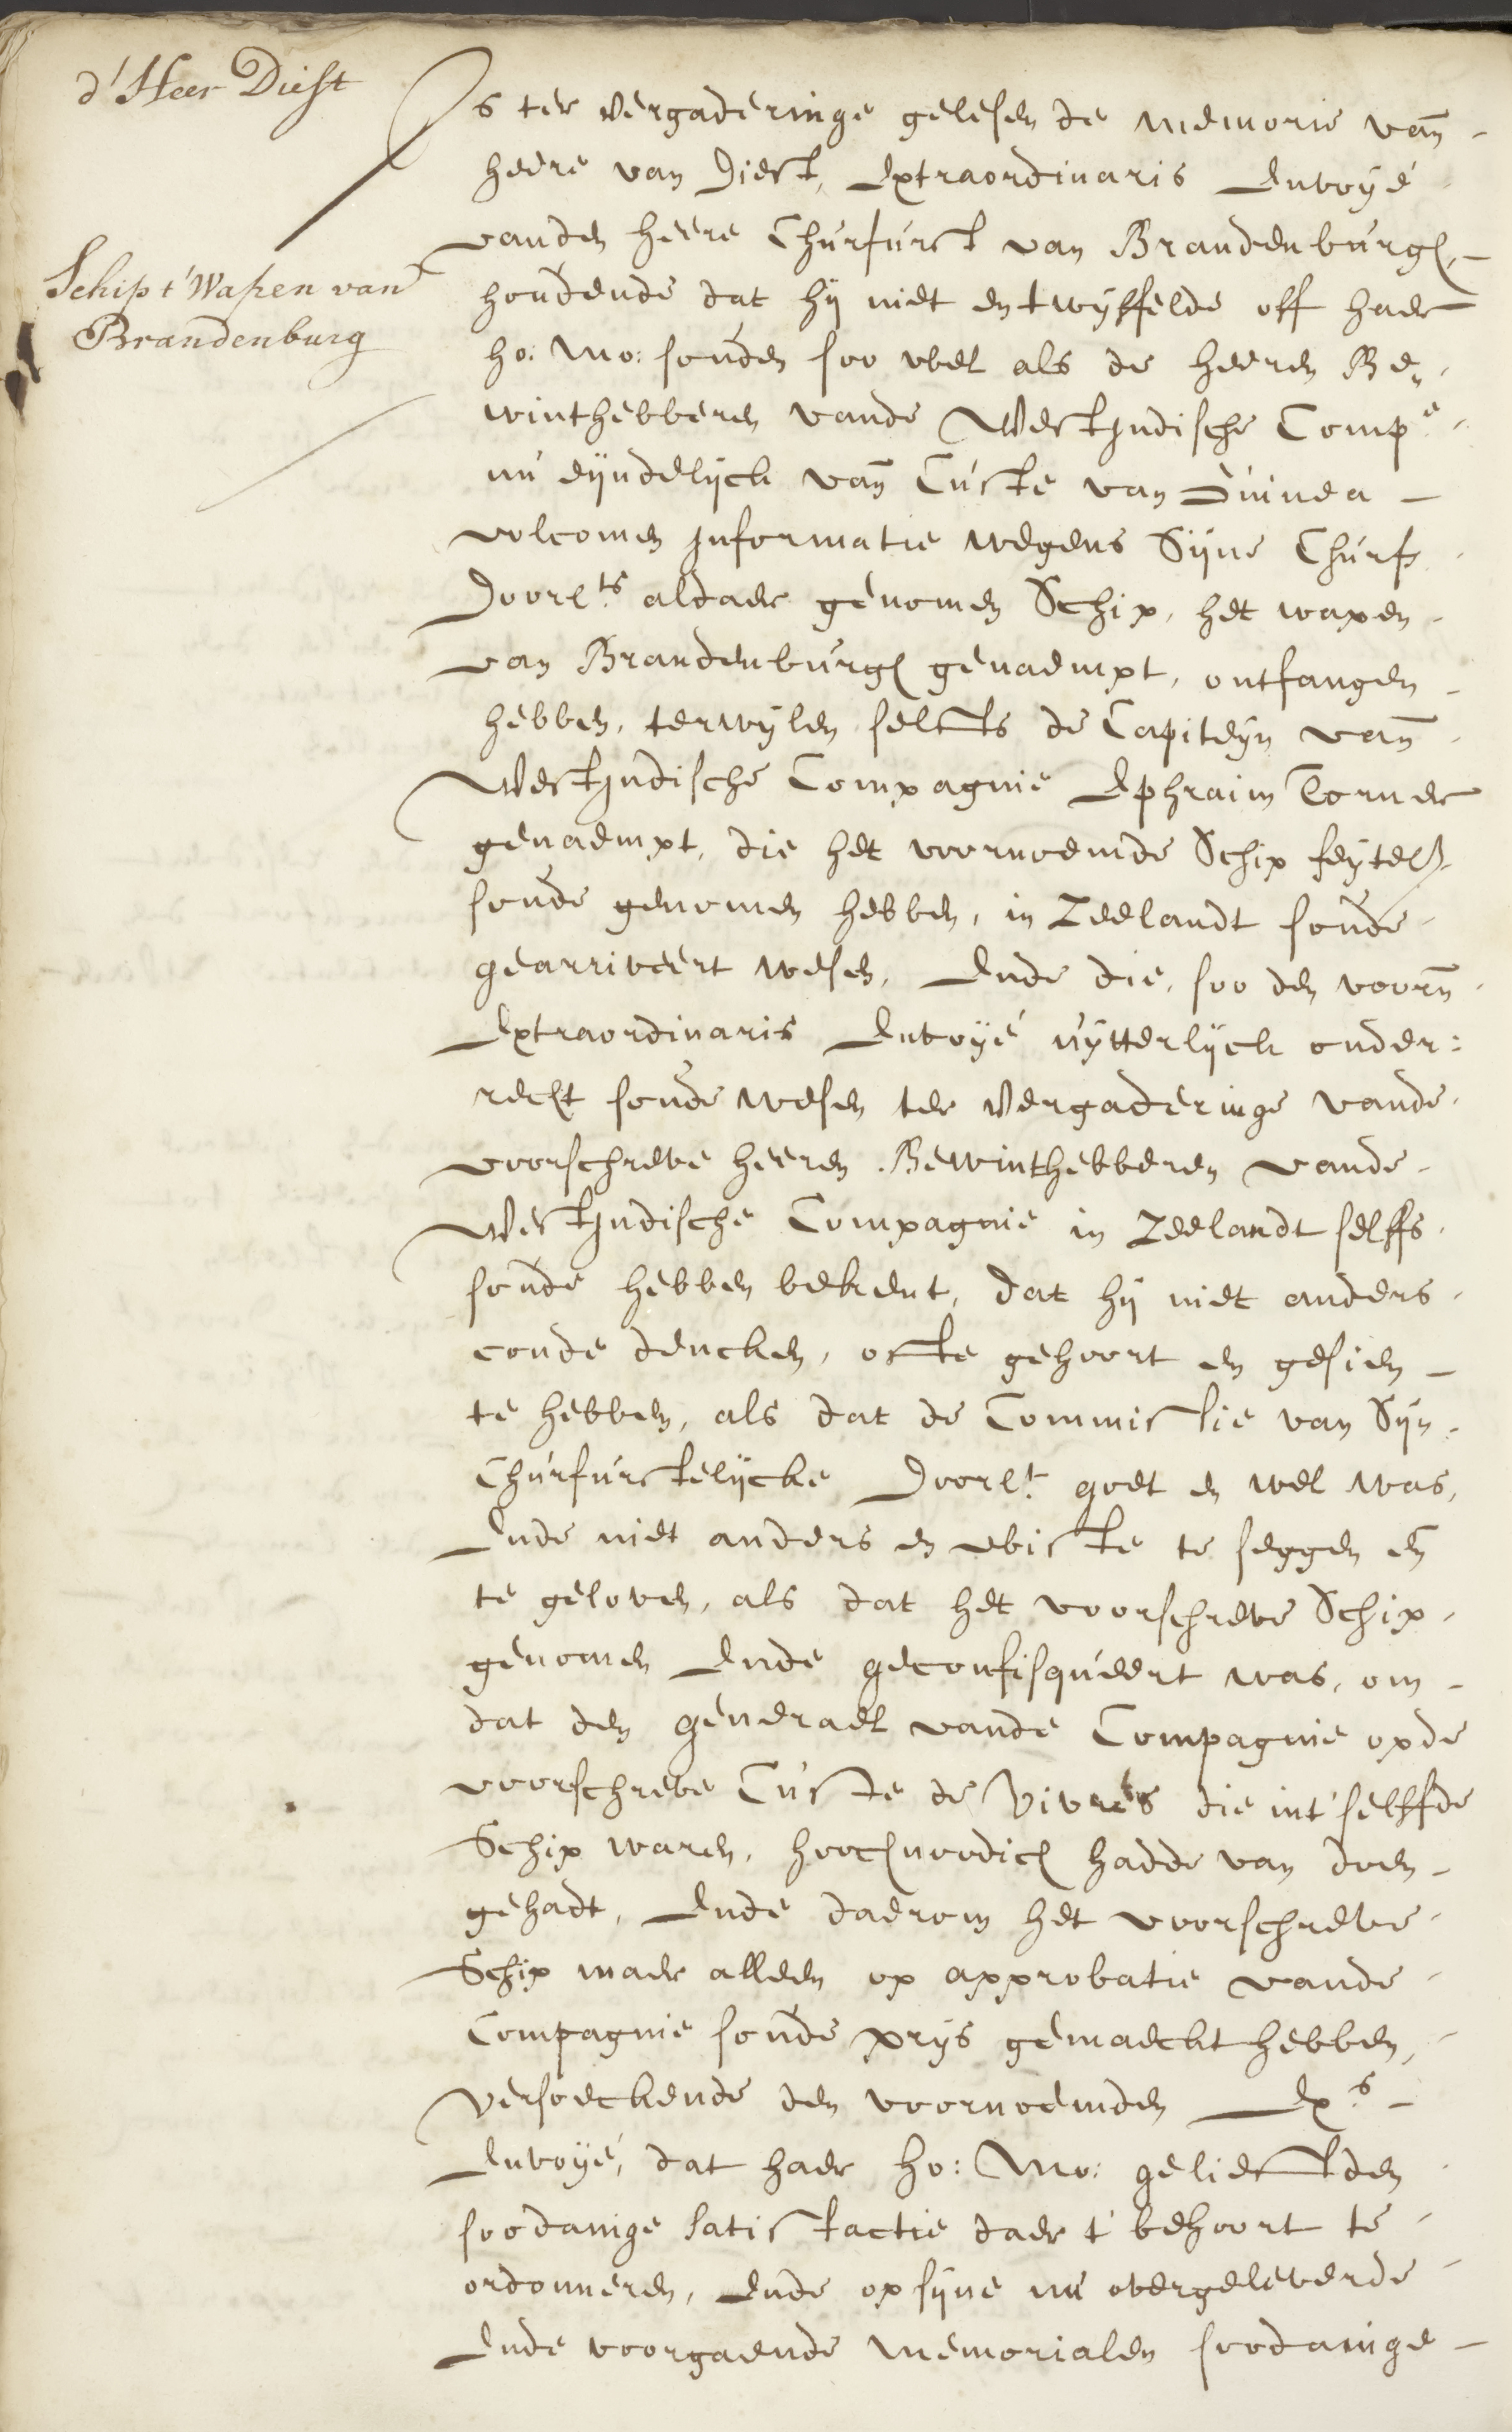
d'Heer Diest
Schip t'Wapen van
Brandenburg
Is ter Vergaderinge gelesen de memorie van
heere van Diest, Extraordinaris Envoijé
vanden heere Churfurst van Brandenburgh,
houdende dat hij niet en twijffelde off haer
ho:Mo: souden soo wel als de heeren Be„
winthebberen vande Westindische Compe.
nu eijndelijck van Custe van Guinea
volcomen informatie wegens Sijne Churf.
Doorlts. aldaer genomen Schip, het wapen
van Brandenburgh genaempt, ontfangen
hebben, terwijlen selffs de Capiteijn van
Westindische Compagnie Ephraim Torner
genaempt, die het voornoemde Schip feijtel.
soude genomen hebben, in Zeelandt soude
gearriveert wesen, ende die, soo den voorn
Extraordinaris Envoijé uijtterlijck onder:
recht soude wesen ter Vergaderinge vande
voorschreve heeren Bewinthebberen vande
Westindische Compagnie in Zeelandt selffs
soude hebben bekent, dat hij niet anders
conde dencken, ofte gehoort en gesien
te hebben, als dat de Commissie van Sijn
Churfurstelijcke Doorlt. goet en wel was,
ende niet anders en wiste te seggen en
te geloven, als dat het voorschreve Schip,
genomen ende geconfisqueert was, om
dat den generael vande Compagnie opde
voorschreve Custe de Vivres die int' selffde
Schip waren, hoochnoodich hadde van doen -
gehadt, ende daerom het voorschreve
Schip maer alleen op approbatie vande
Compagnie soude prijs gemaeckt hebben,
versoeckende den voornoemden Exs. -
Envoijé, dat haer ho:Mo: gelieffden
soodanige satisfactie daer t‛ behoort te
ordonneren, ende op sijne nu overgeleverde
ende voorgaende memorialen soodanige -
